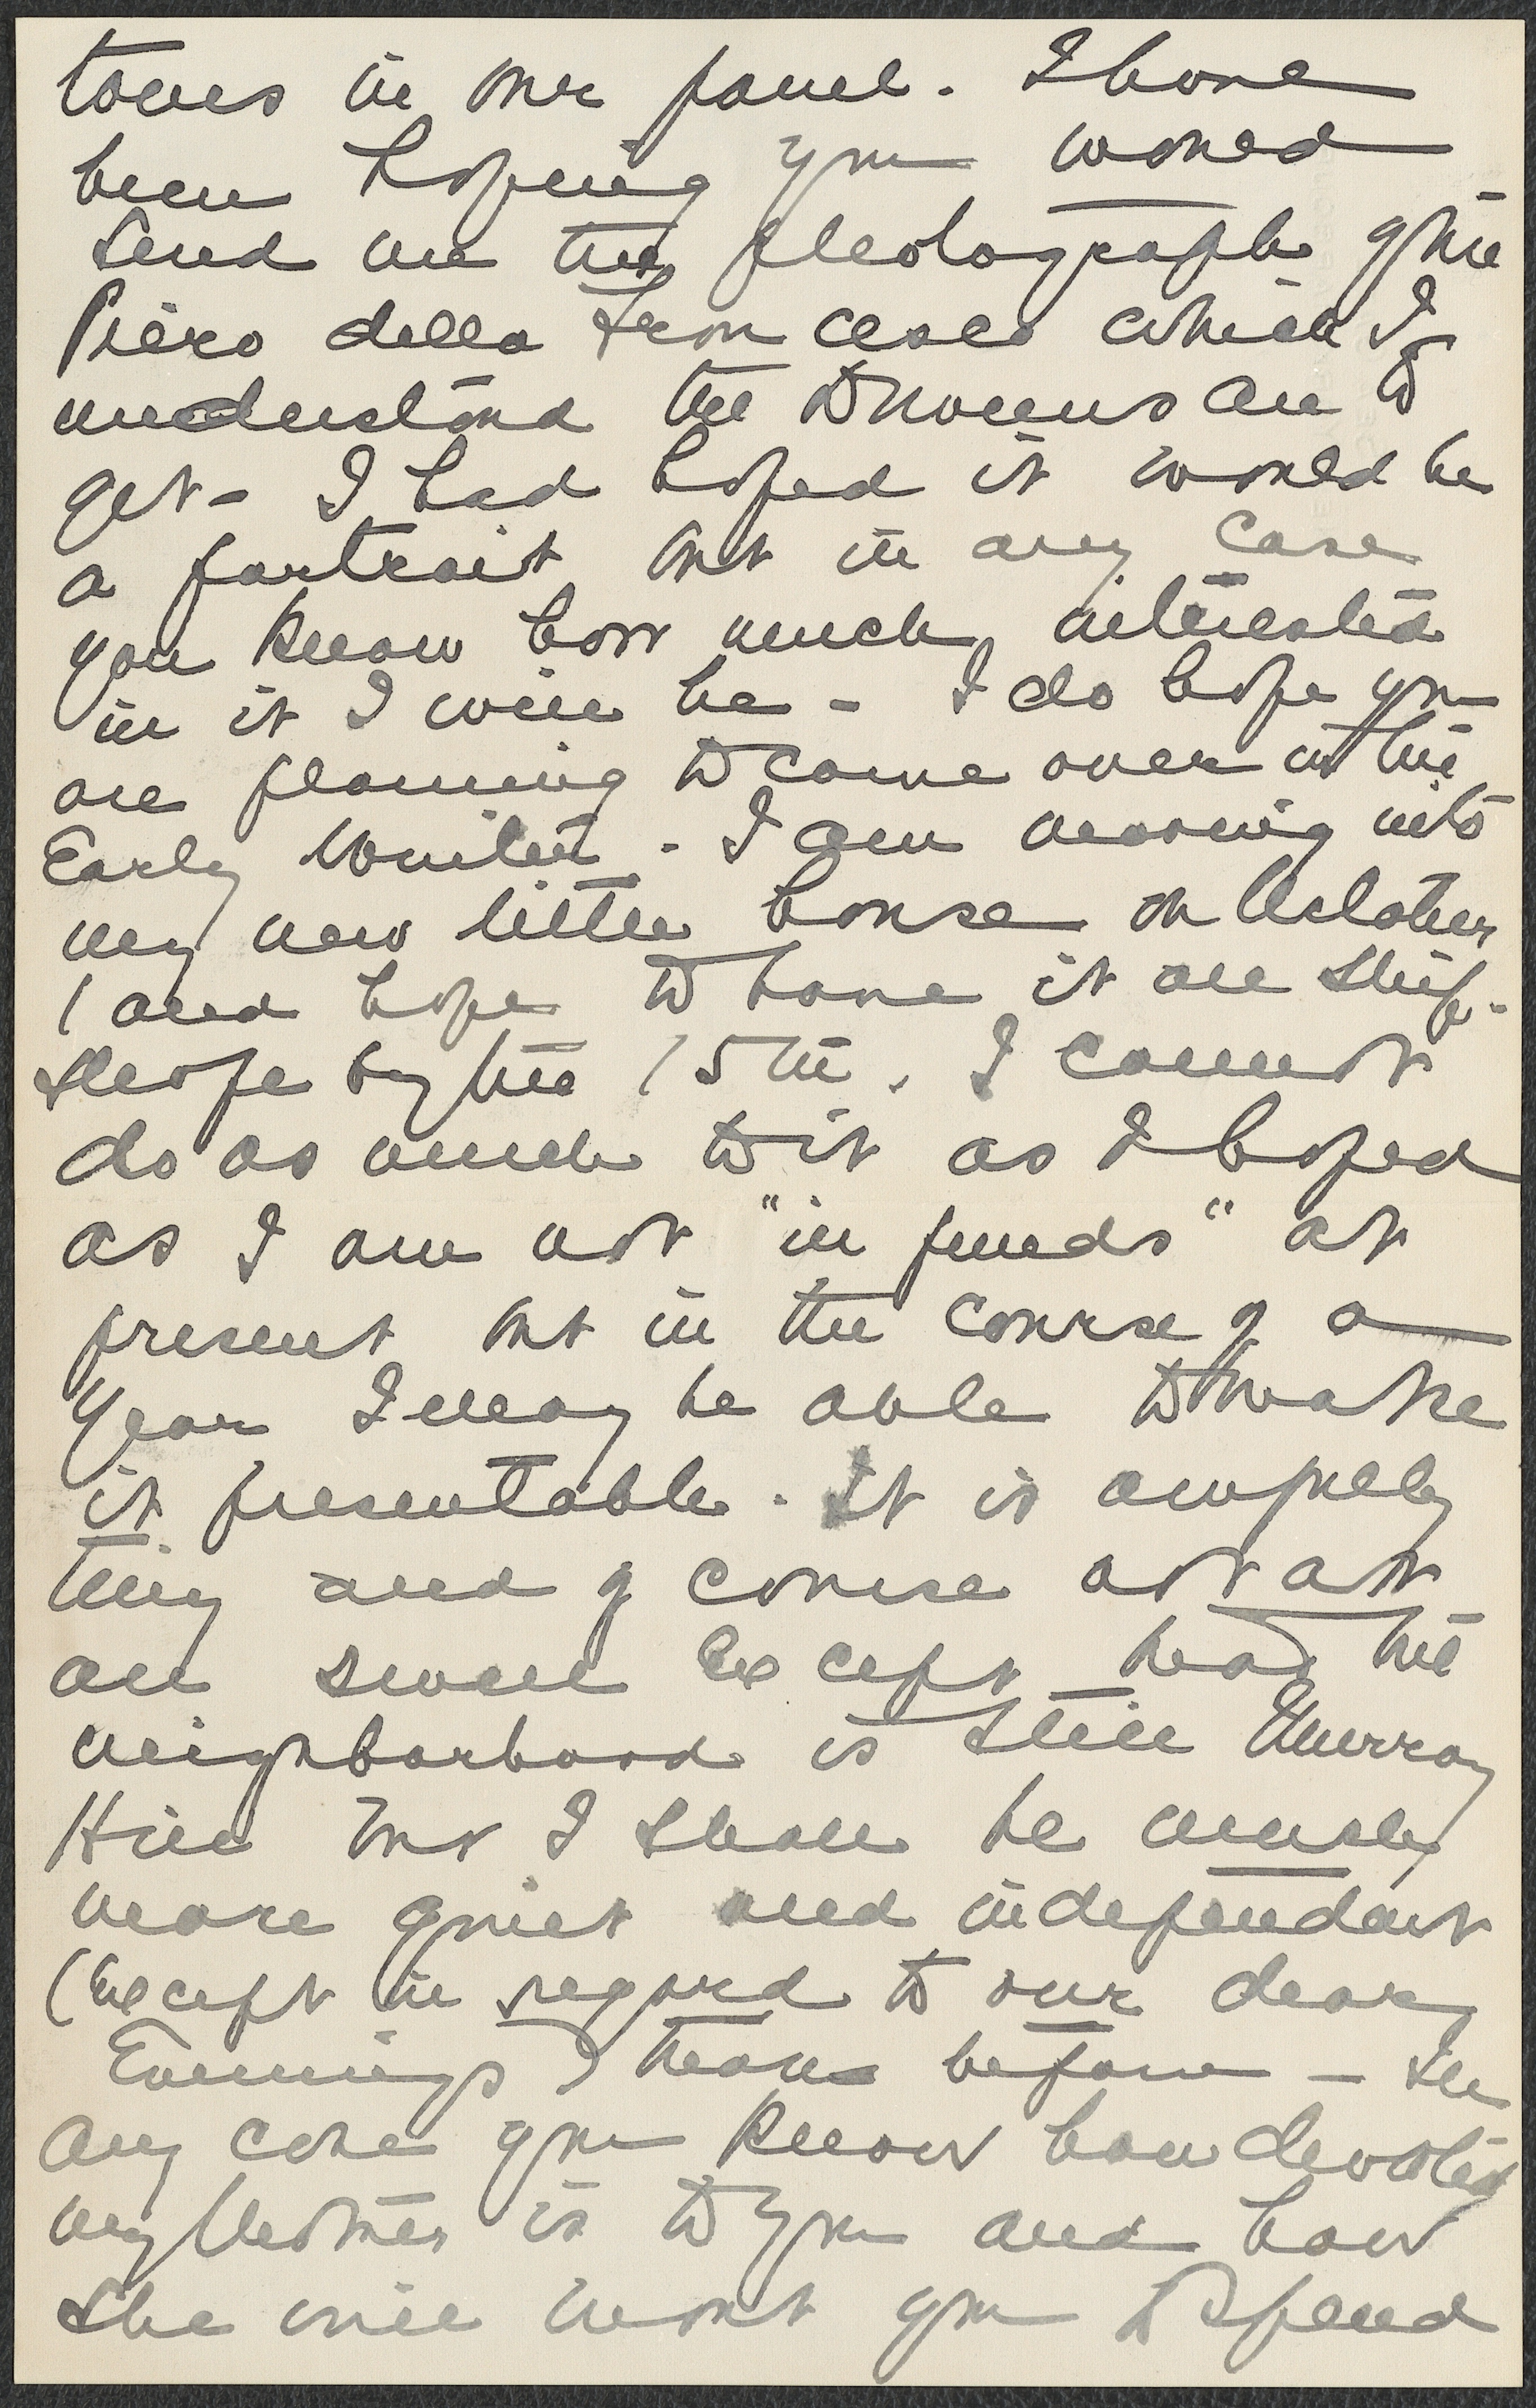tones in our panel. I have been hoping you would send me the photograph of the Piero della Francesca which I understand the Duveens are to get – I had hoped it would be a portrait but in any case you know how much interested in it I will be – I do hope you are planning to come over in the early winter – I am moving into my new little house on October 1 and hope to have it all ship-shape by the 15th, I cannot do as much to it as I hoped as I am not “in funds” at present but in the course of a year I may be able to make it presentable. It is awfully tiny and of course not at all swell except that the neighborhood is still Murray Hill but I shall be much more quiet and independent (except in regard to our deary evenings) than before – In any case you know how devoted my mother is to you and how she will want you to spend